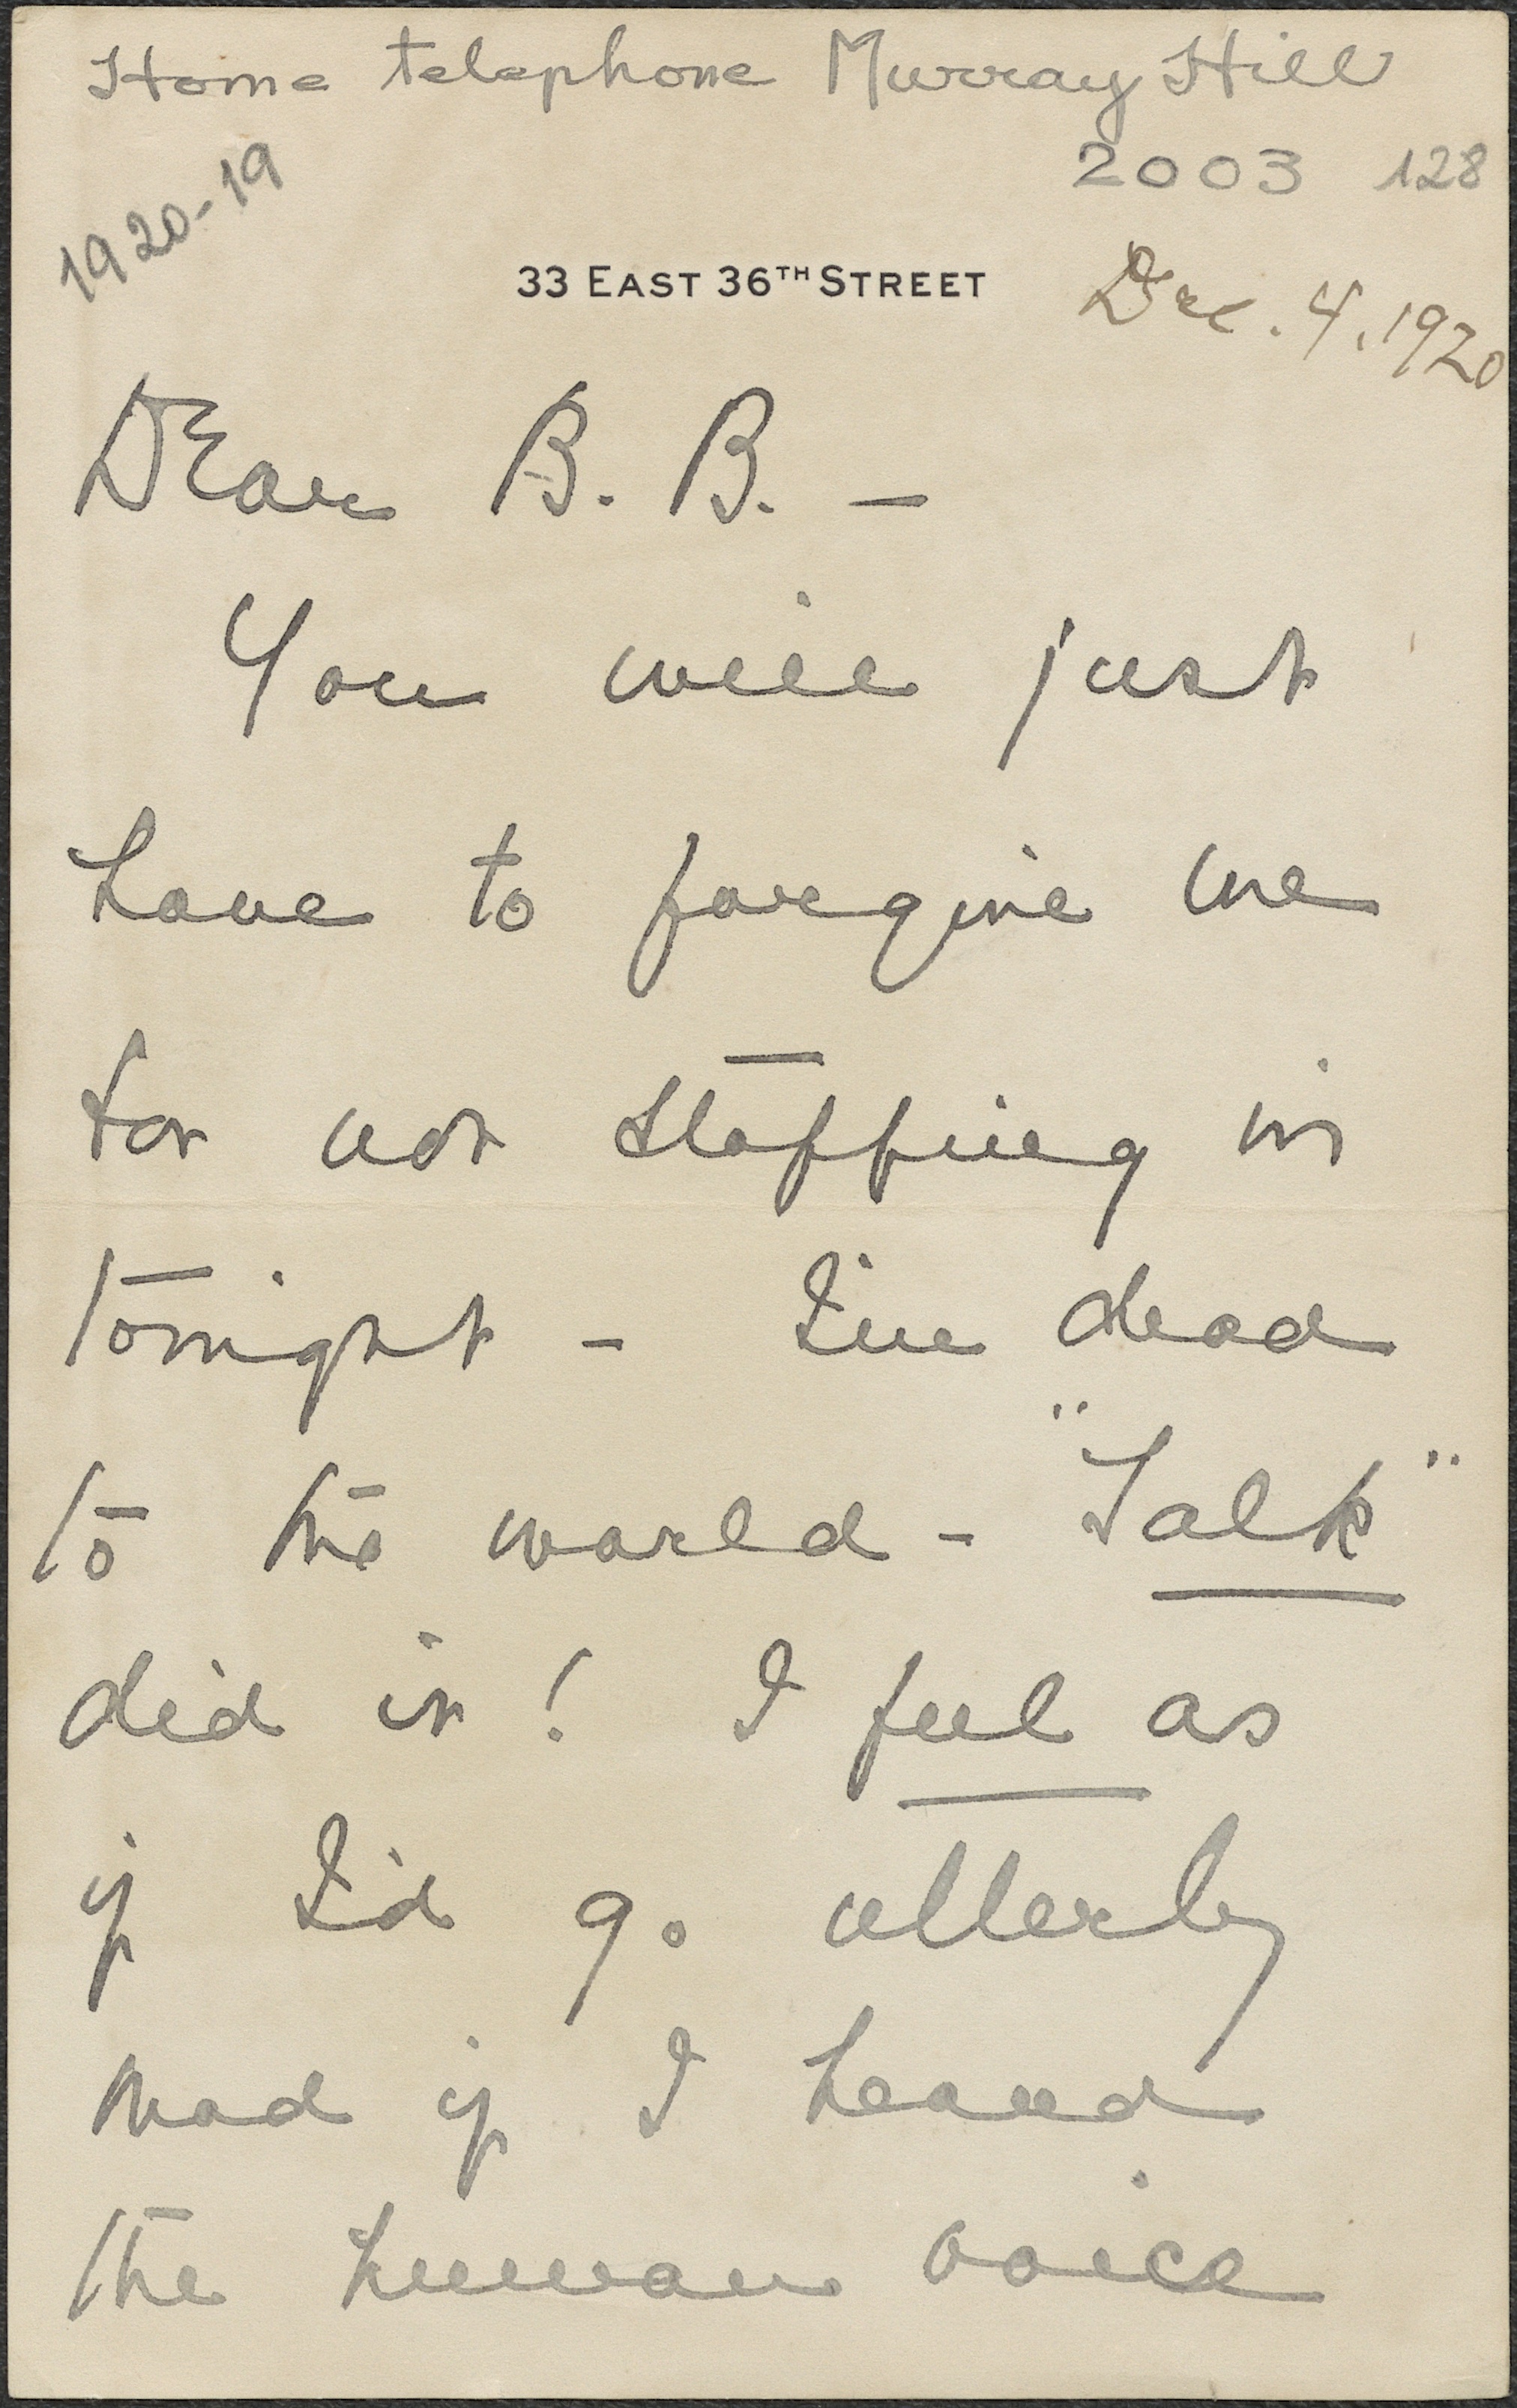[In a different hand: Home telephone Murray Hill 2003]
[In a different ink: Dec. 4. 1920]
Dear B.B. –
You will just have to forgive me for not stopping in tonight – I'm dead to the world – "Talk" did it! I feel as if I'd go utterly mad if I heard the human voice